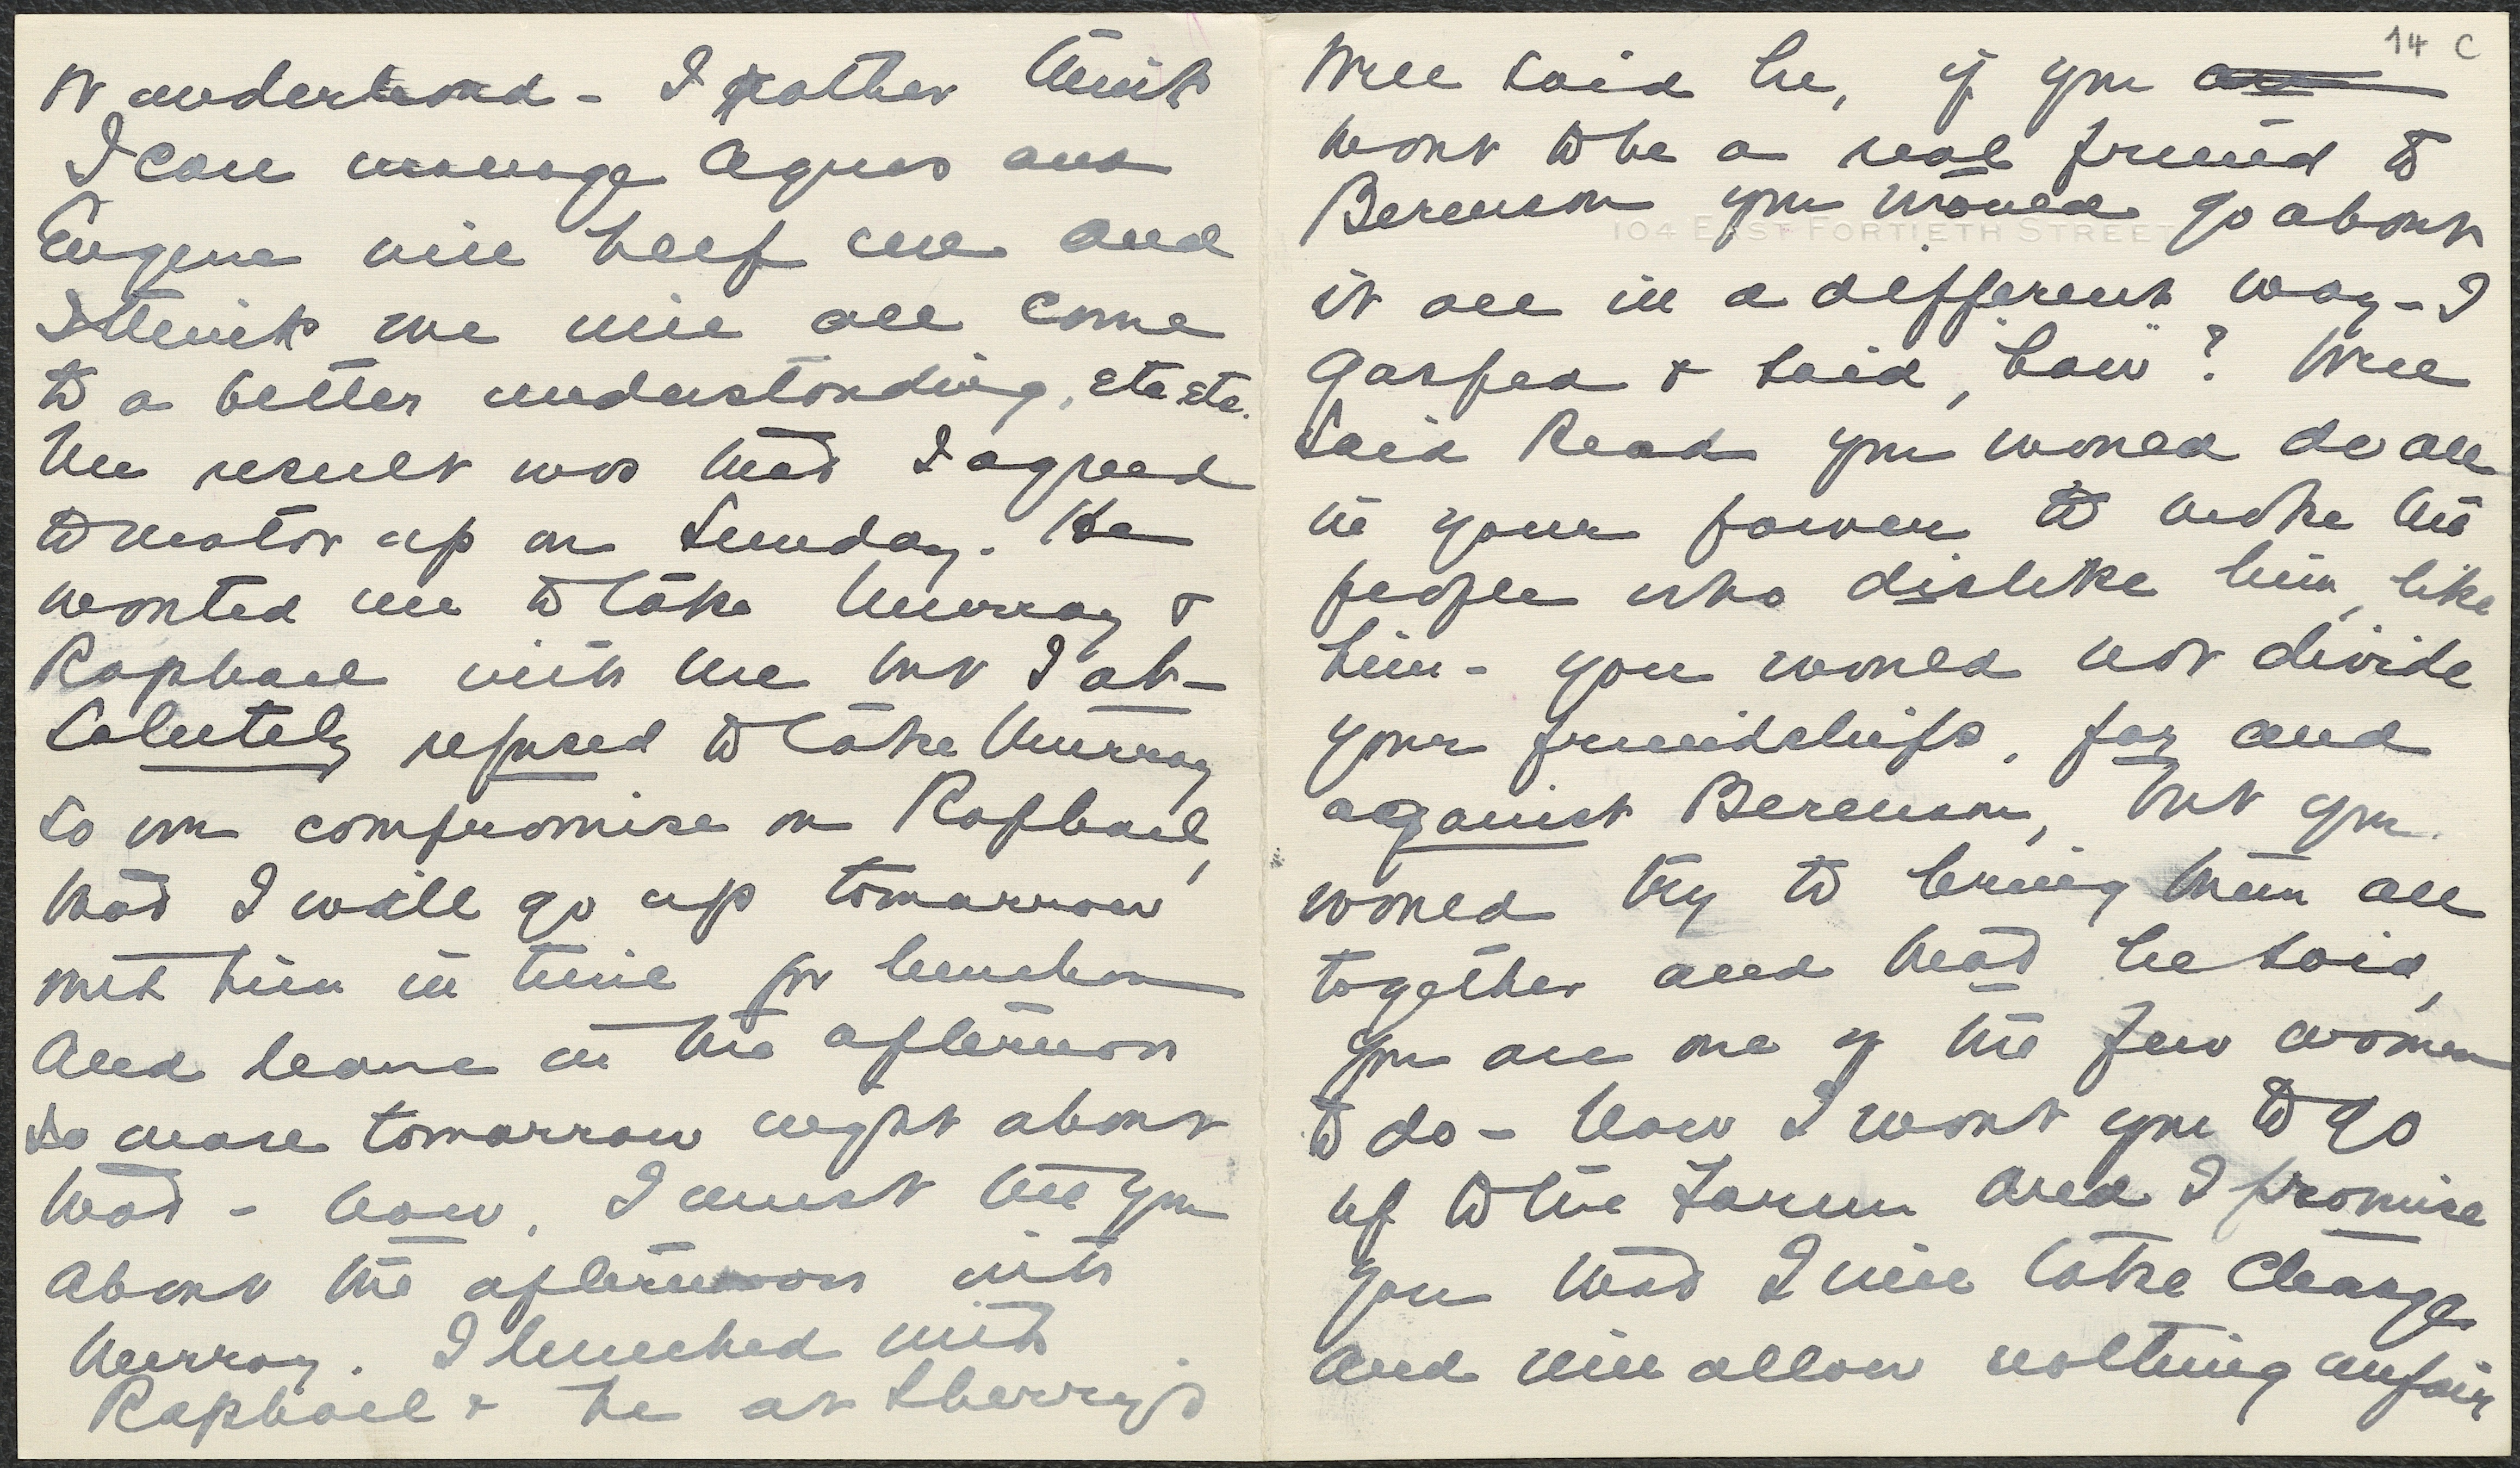Well said he, if you are want to be a real friend to Berenson you would go about it all in a different way – I gasped & said, "how"? Well said Read you would do all in your power to make the people who dislike him, like him – you would not divide your friendships, for and against Berenson, but you would try to bring them all together and that he said, you are one of the few women to do – Now I want you to go up to the Farm and I promise you that I will take charge and will allow nothing unfair
or underhand – I rather think I can manage Agnes and Eugene will help me and I think we will all come to a better understanding, etc. etc. The result was that I agreed to motor up on Sunday. He wanted me to take Murray & Raphael with me but I absolutely refused to take Murray so our compromise on Raphael, that I will go up tomorrow with him in time for luncheon and leave in the afternoon so more tomorrow night about that – Now, I must tell you about the afternoon with Murray. I lunched with Raphael & at Sherry's